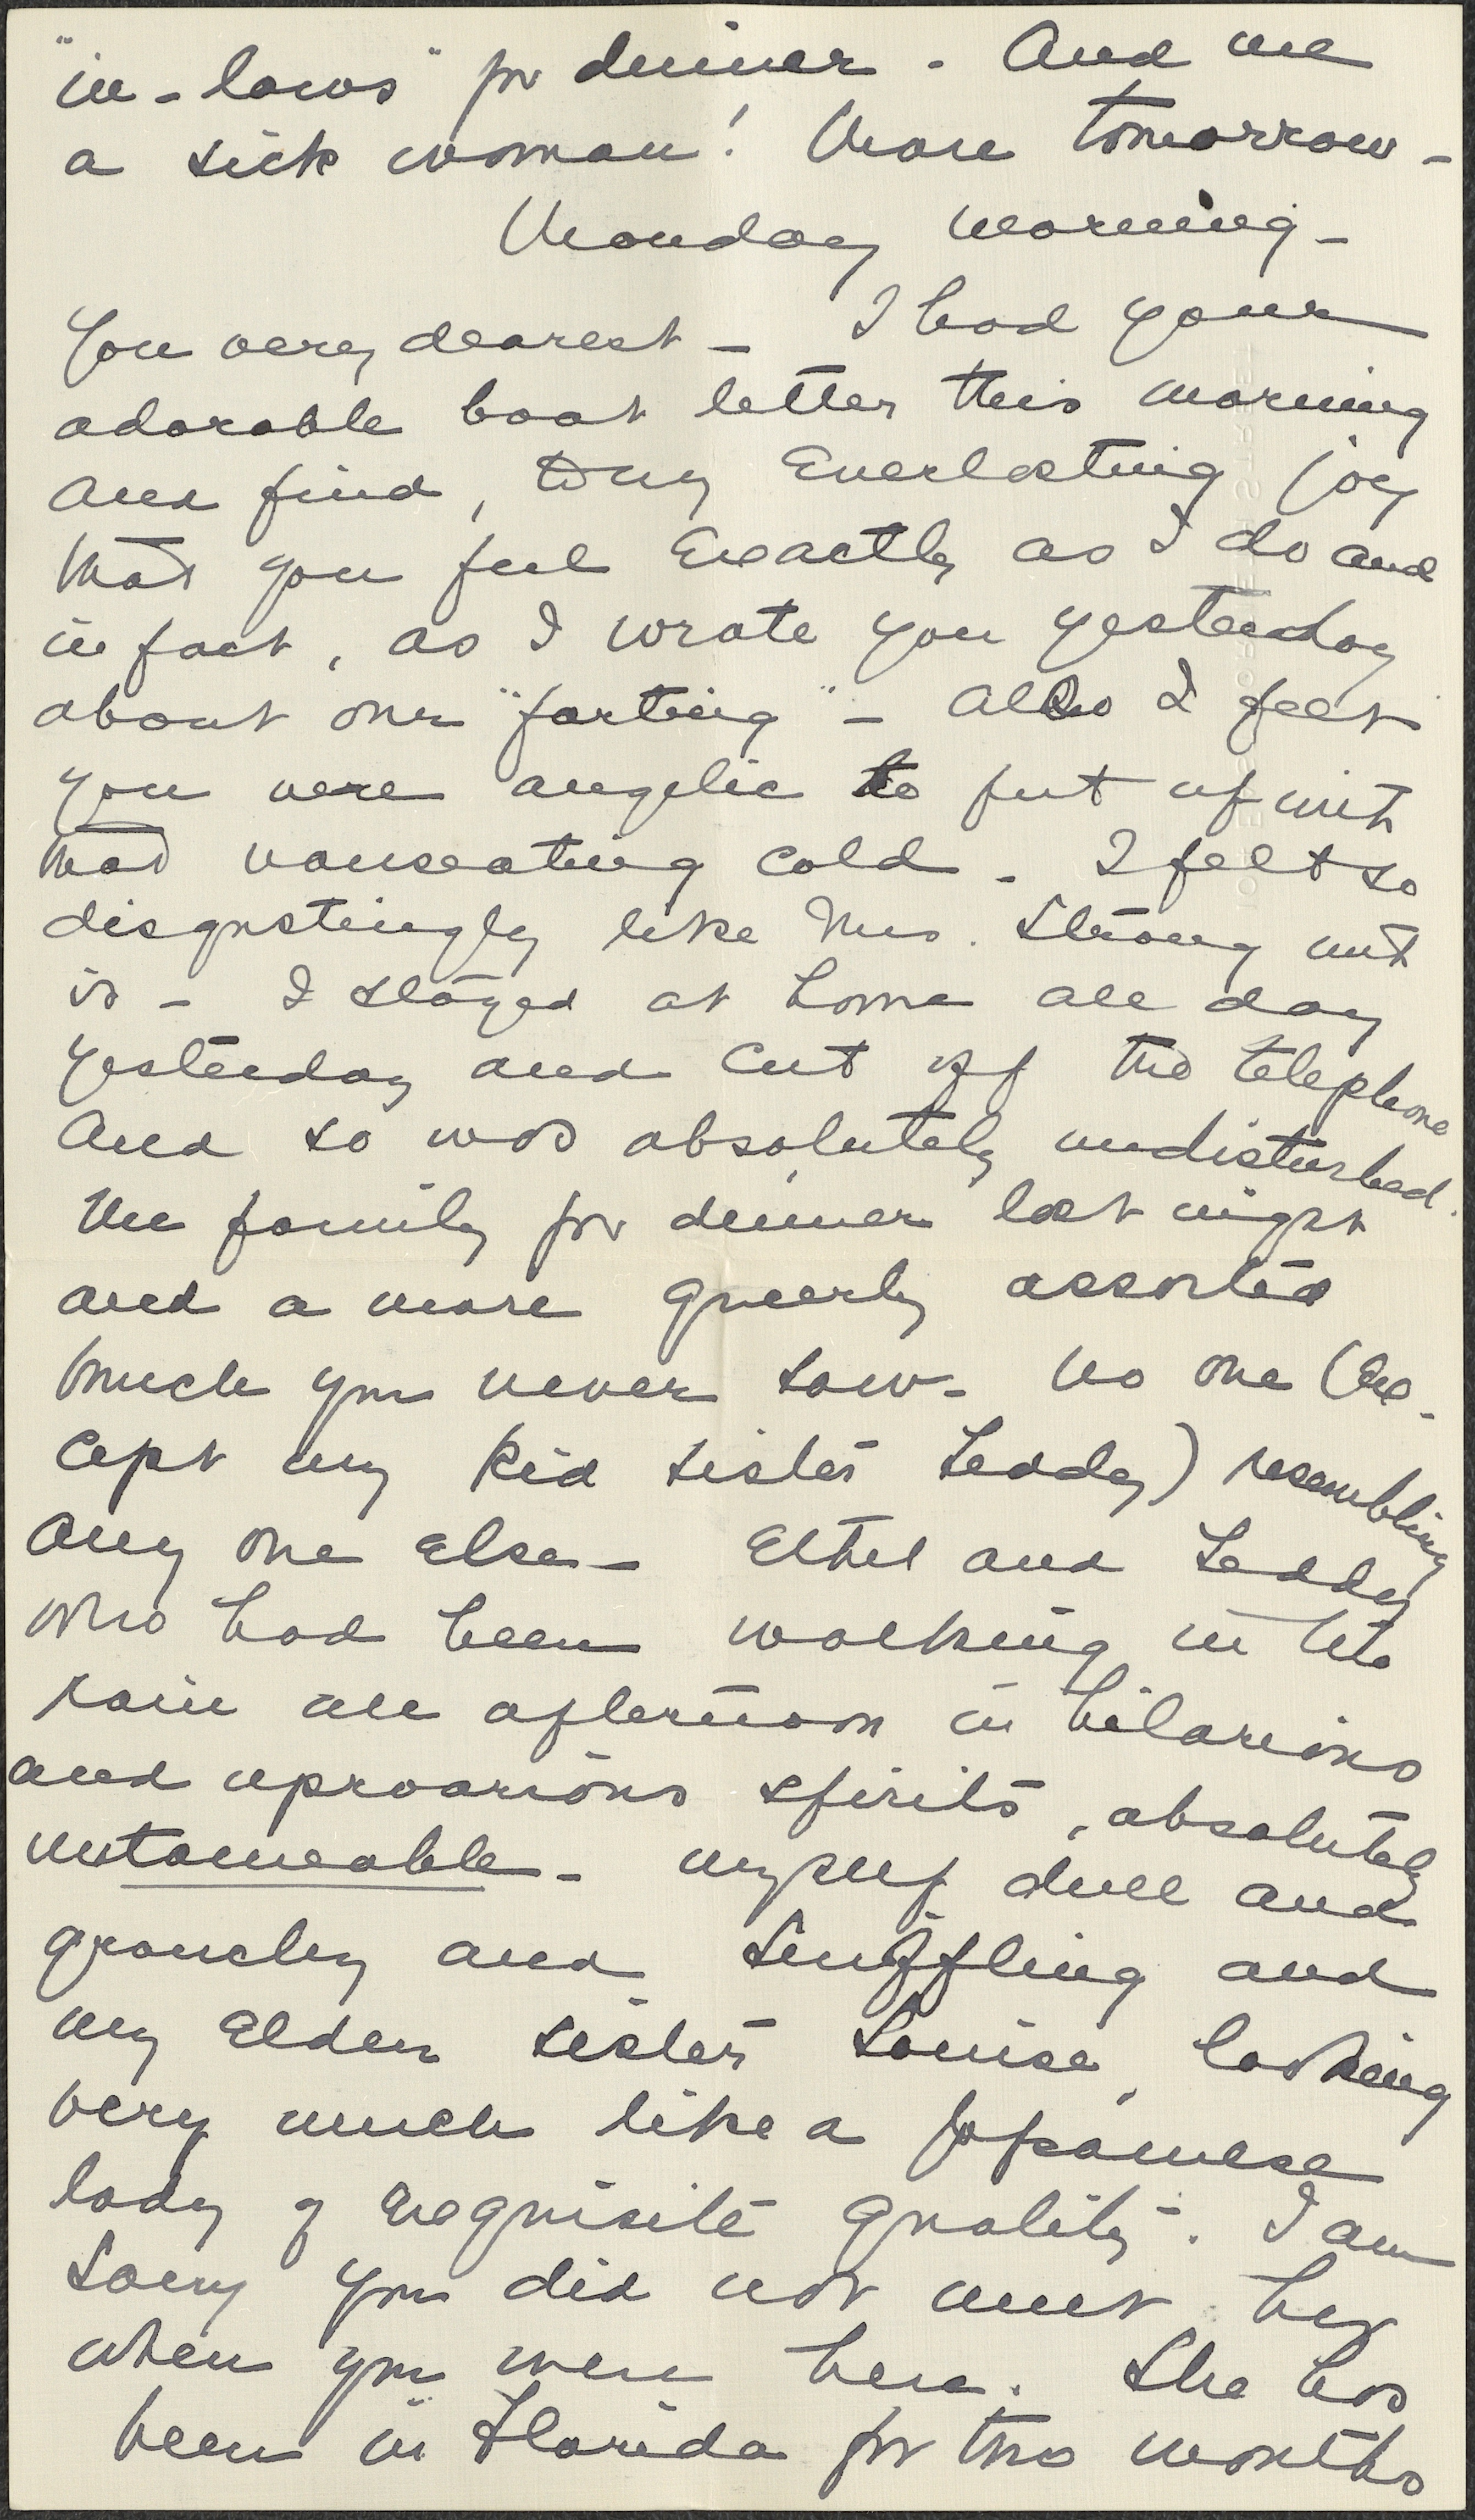“in-laws” for dinner – And me a sick woman! More tomorrow –
Monday morning –
You very dearest – I had your adorable boat letter this morning and find, to my everlasting joy that you feel exactly as I do and in fact, as I wrote you yesterday about our “parting” – Also I felt you were angelic to put up with that nauseating cold – I felt so disgustingly like Mrs. Strong with it – I stayed at home all day yesterday and cut off the telephone and so was absolutely undisturbed. The family for dinner last night and a more queerly assorted bunch you never saw – no one (except my kid sister Teddy) resembling any one else – Ethel and Teddy who had been working in the rain all afternoon in hilarious and uproarious spirits, absolutely untouchable – myself dull and grouchy and sniffling and my elder sister Louise, looking very much like a Japanese lady of exquisite quality. I am sorry you did not meet her when you were here. She has been in Florida for two months